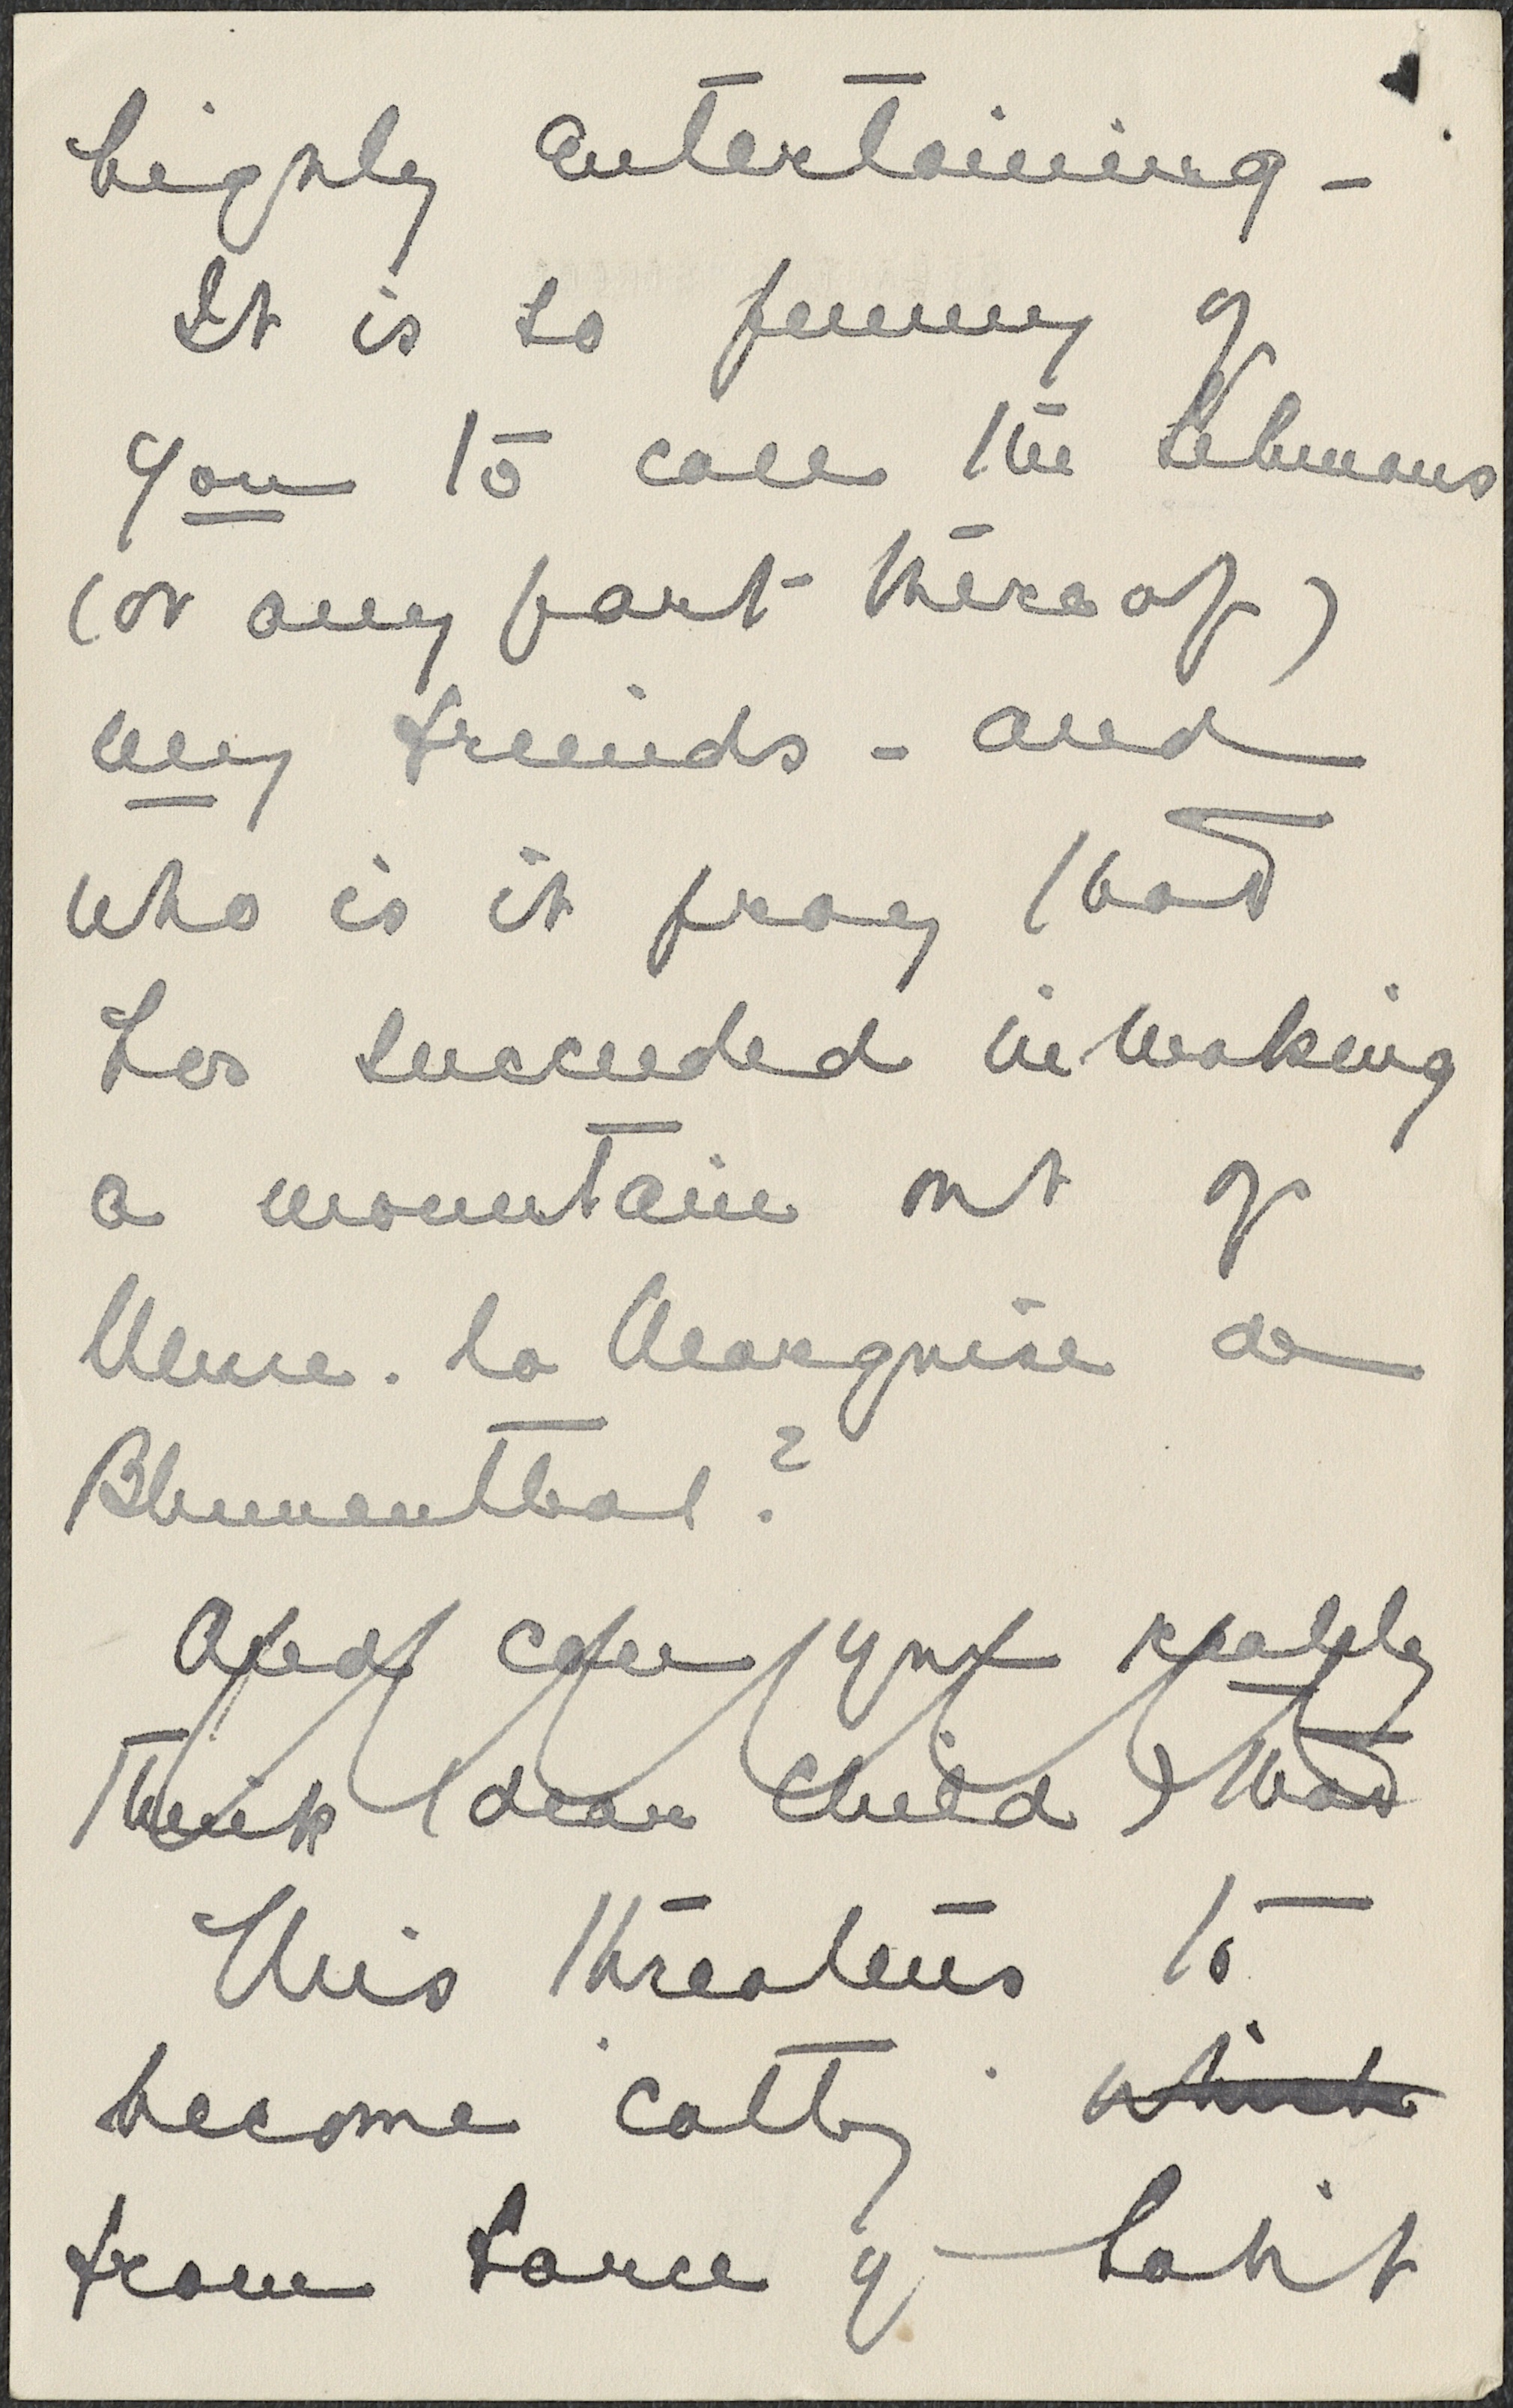highly entertaining – It is so funny of you to call the Lehmans (or any part thereof) my friends – and who is it pray that has succeeded in making a mountain out of Mme. La Marquise de Blumenthal?
And can you really think (dear child) that
This threatens to become catty which from force of habit